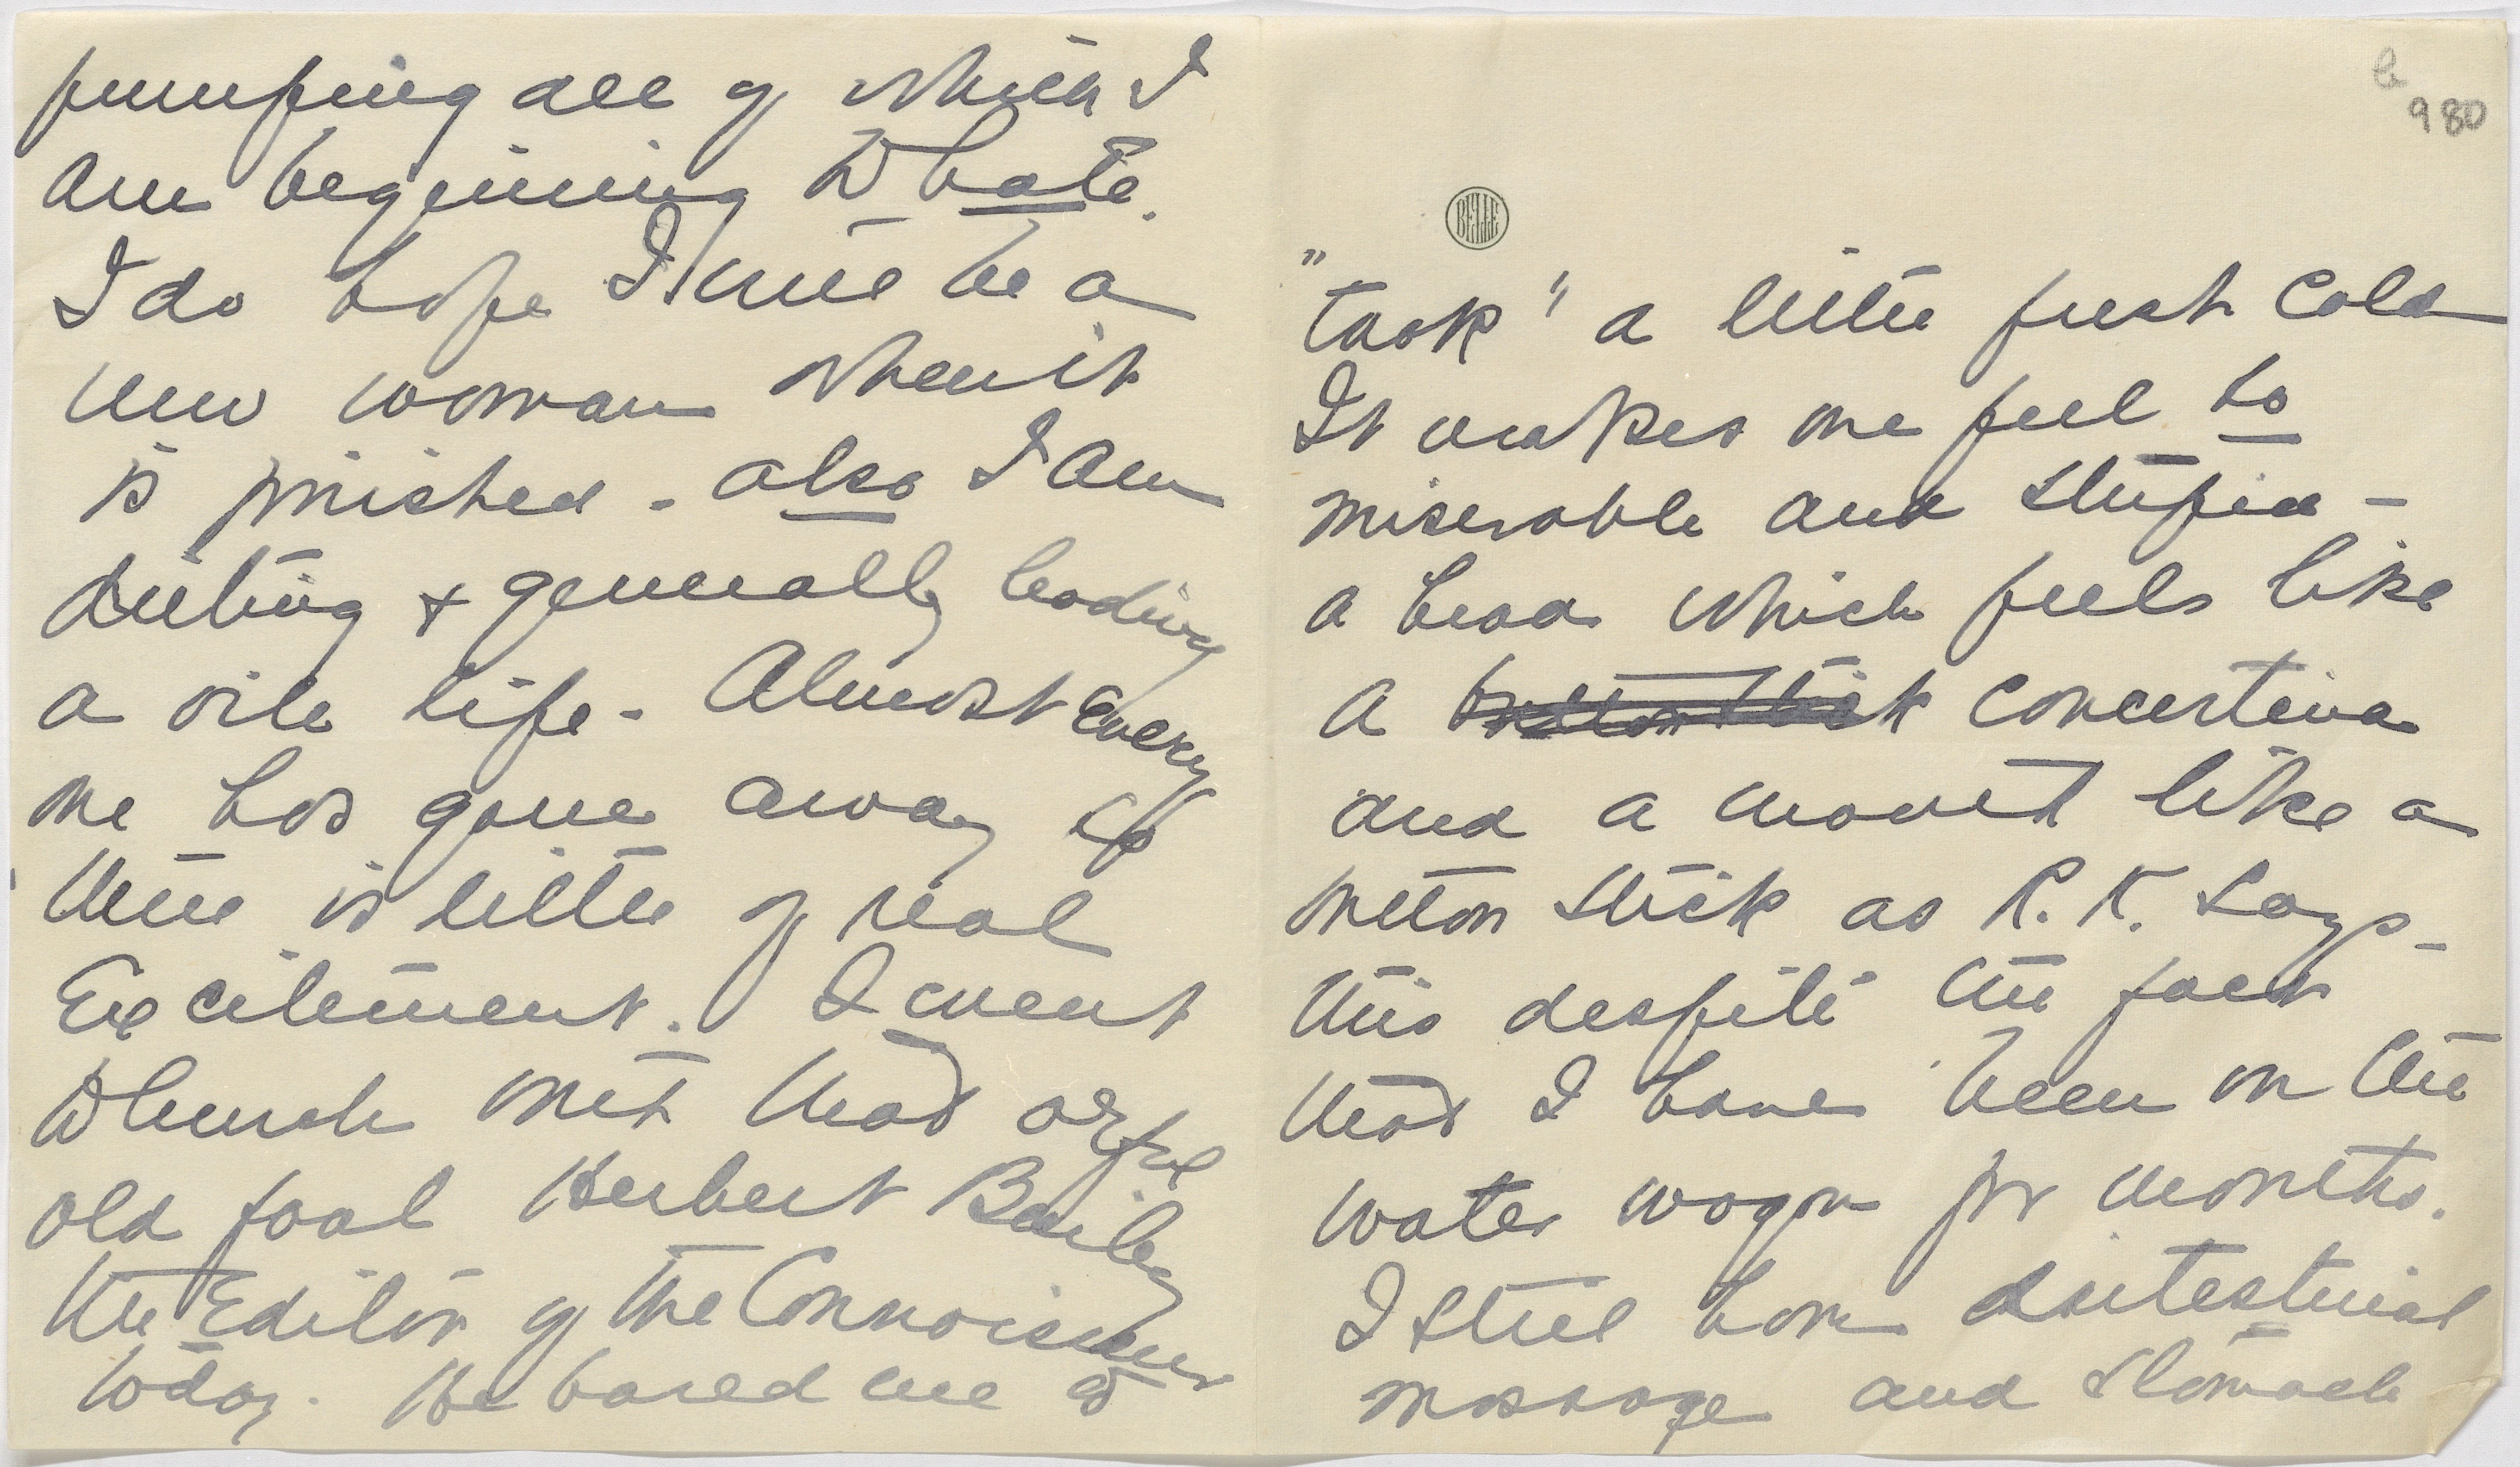“took” a little fresh cold It makes me feel so miserable and stupid – a head which feels like a button stick concertina and a mouth like a button stick as R. K. says – this despite the fact that I have been on the water wagon for months.
I still have intestinal massage and stomach
pumping all of which I am beginning to hate.
I do hope I will be a new woman when it is finished – also I am dieting & generally leading a vile life – Almost every one has gone away so there is little of real excitement. I went to lunch with that orful old fool Herbert Bailey the editor of the Connoisseur today. He bored me to